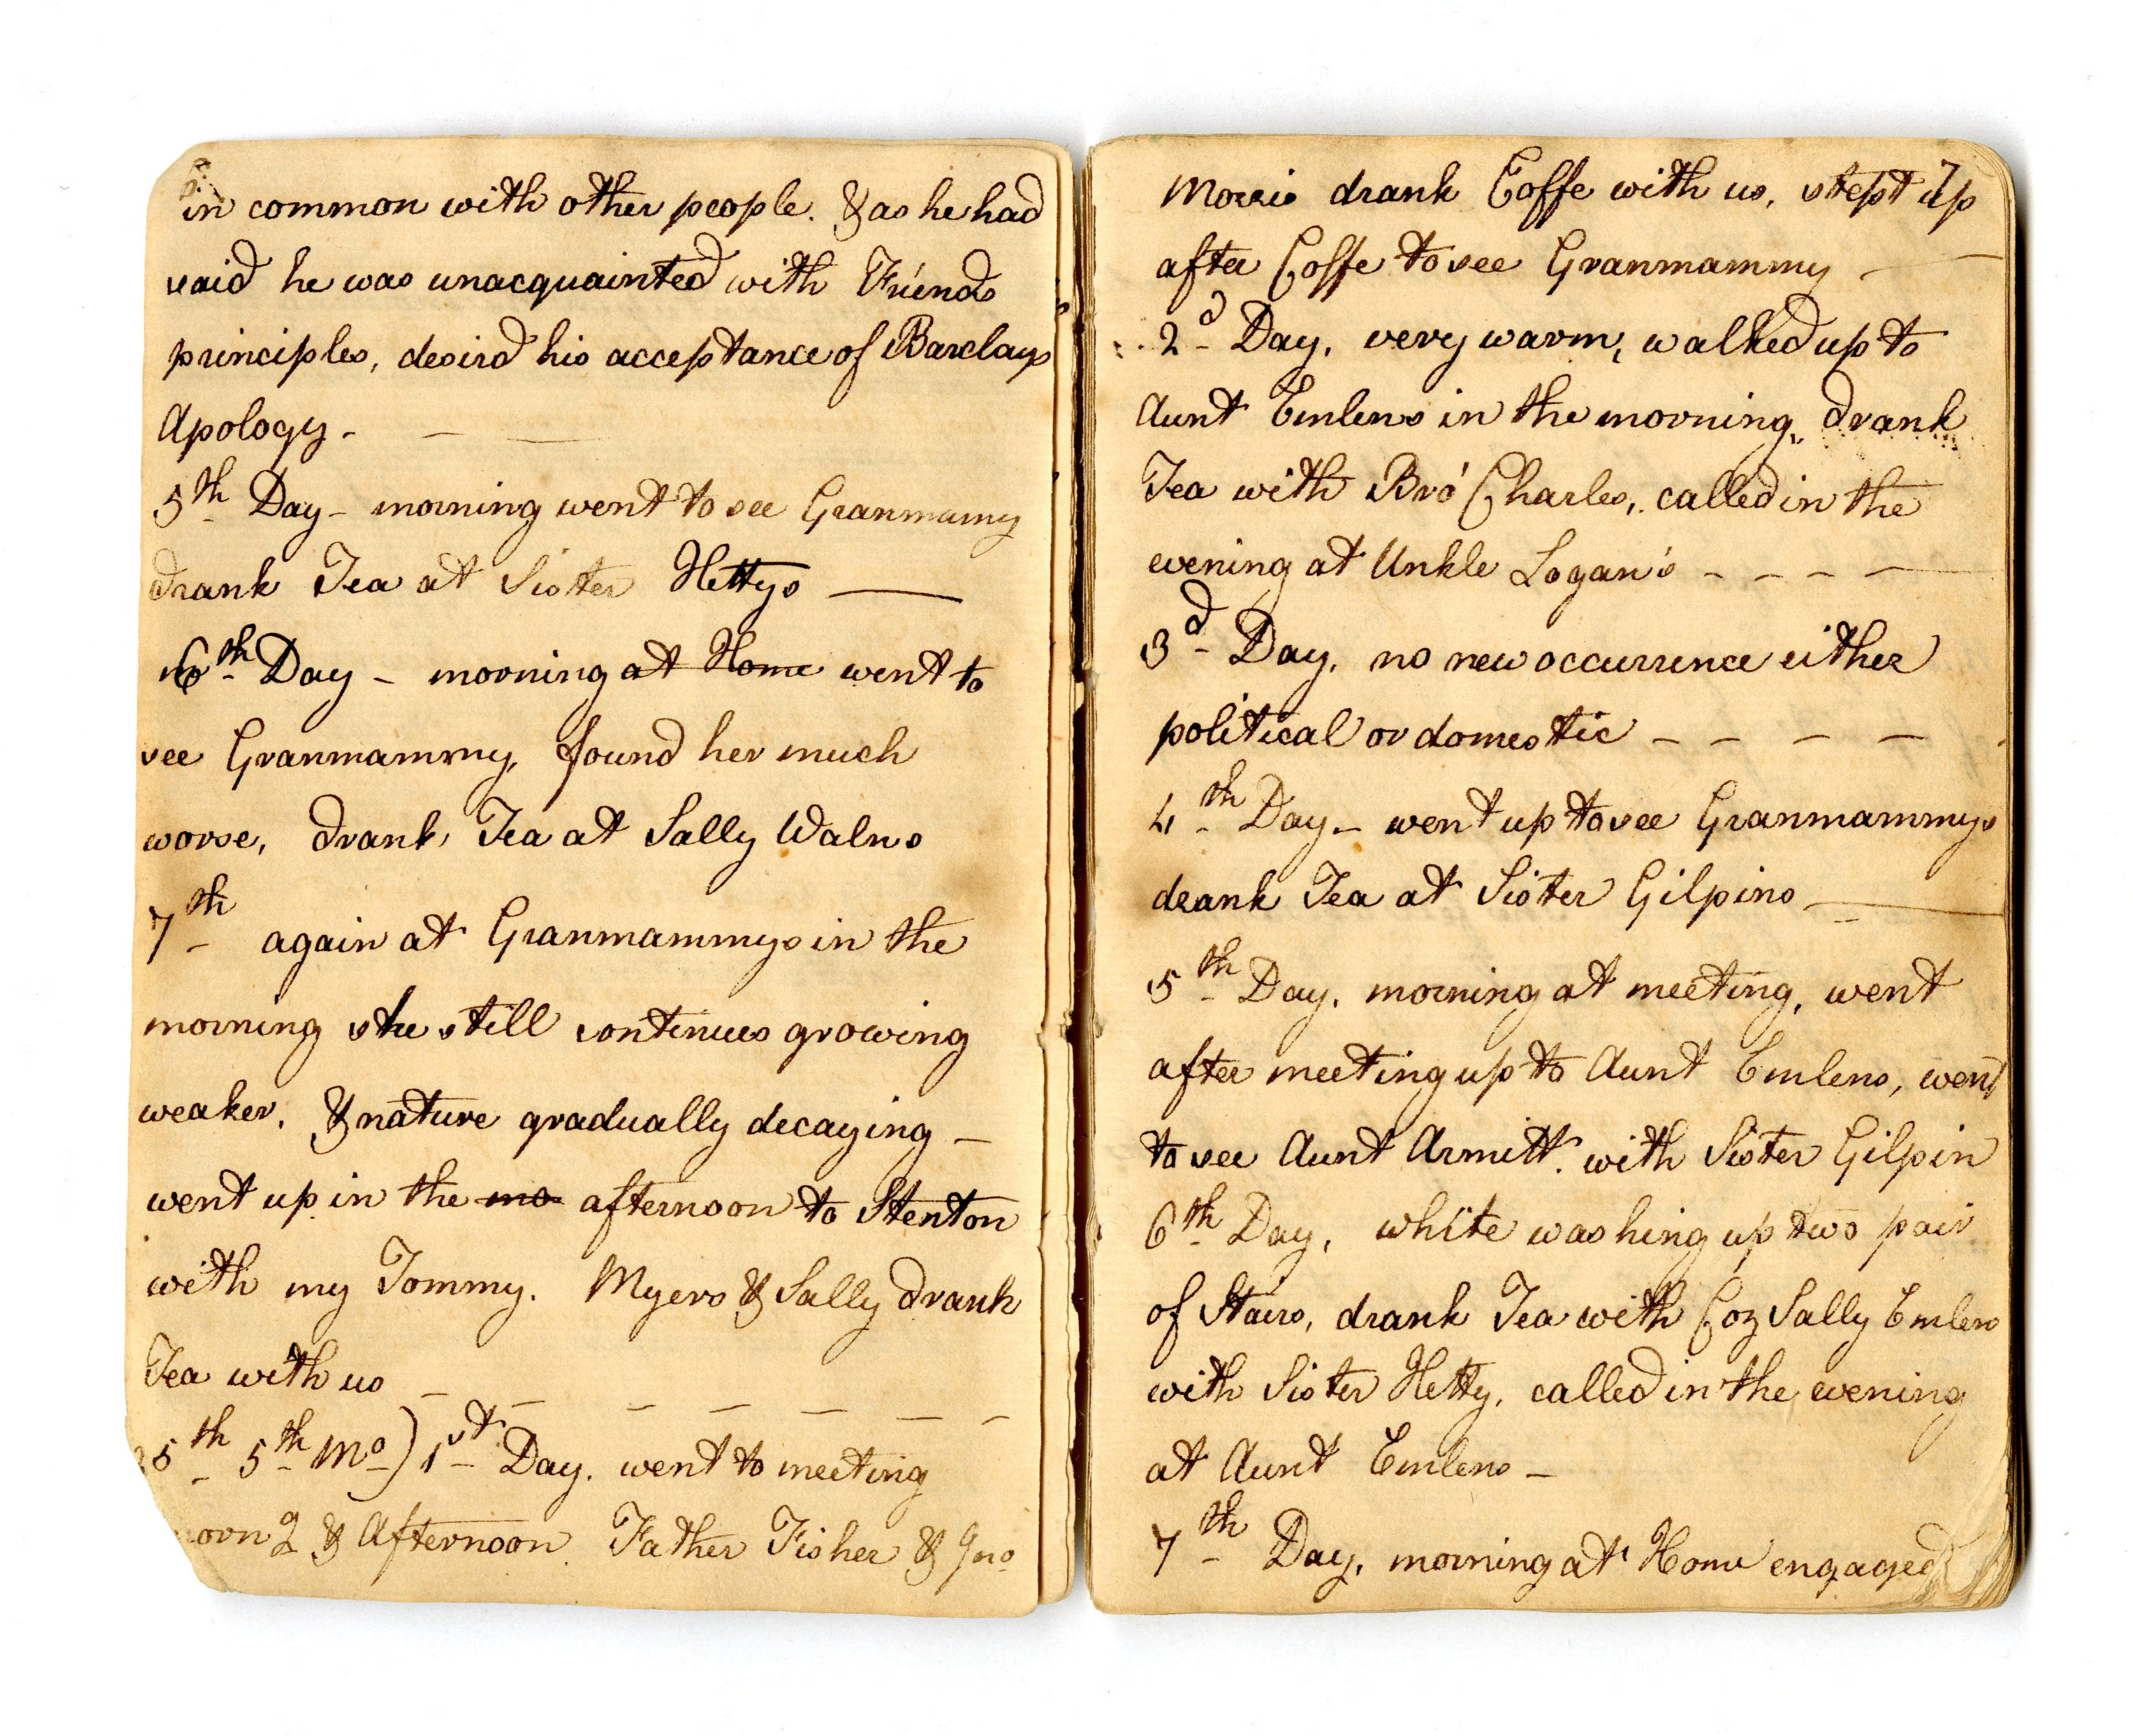in common with other people. & as he had
said he was unacquainted with Friends
principles, desired his acceptance of Barclays
Apology.-
5^th Day- morning went to see Granmamy
drank Tea at Sister Hettys-
6^th. Day- morning [at Home] went to
see Granmammy, found her much
worse, drank Tea at Sally Walns
7^th again at Granmammys in the
morning she still continues growing
weaker. & nature gradually decaying-
went up in the [mo] afternoon to Stenton
with my Tommy. Myers & Sally drank
Tea with us-
25^th 5^th M^o ) 1^st Day. went to meeting
morn^g & Afternoon Father Fisher & Jno
Morris drank Coffe with us, stept up
after Coffe to see Granmammy-
2^d Day. very warm, walked up to
Aunt Emlens in the morning, drank
Tea with Bro' Charles, called in the
evening at Unkle Logan's-
3^d Day. no new occurrence either
political or domestic-
4^th Day- went up to see Granmammys
drank Tea at Sister Gilpins-
5^th Day. morning at meeting, went
after meeting to Aunt Emlens, went
to see Aunt Armitt with Sister Gilpin
6^th Day, white washing up two pair
of Stairs, drank Tea with Coz Sally Emlen
with Sister Hetty, called in the evening
at Aunt Emlens-
7^th Day. morning at Home engaged